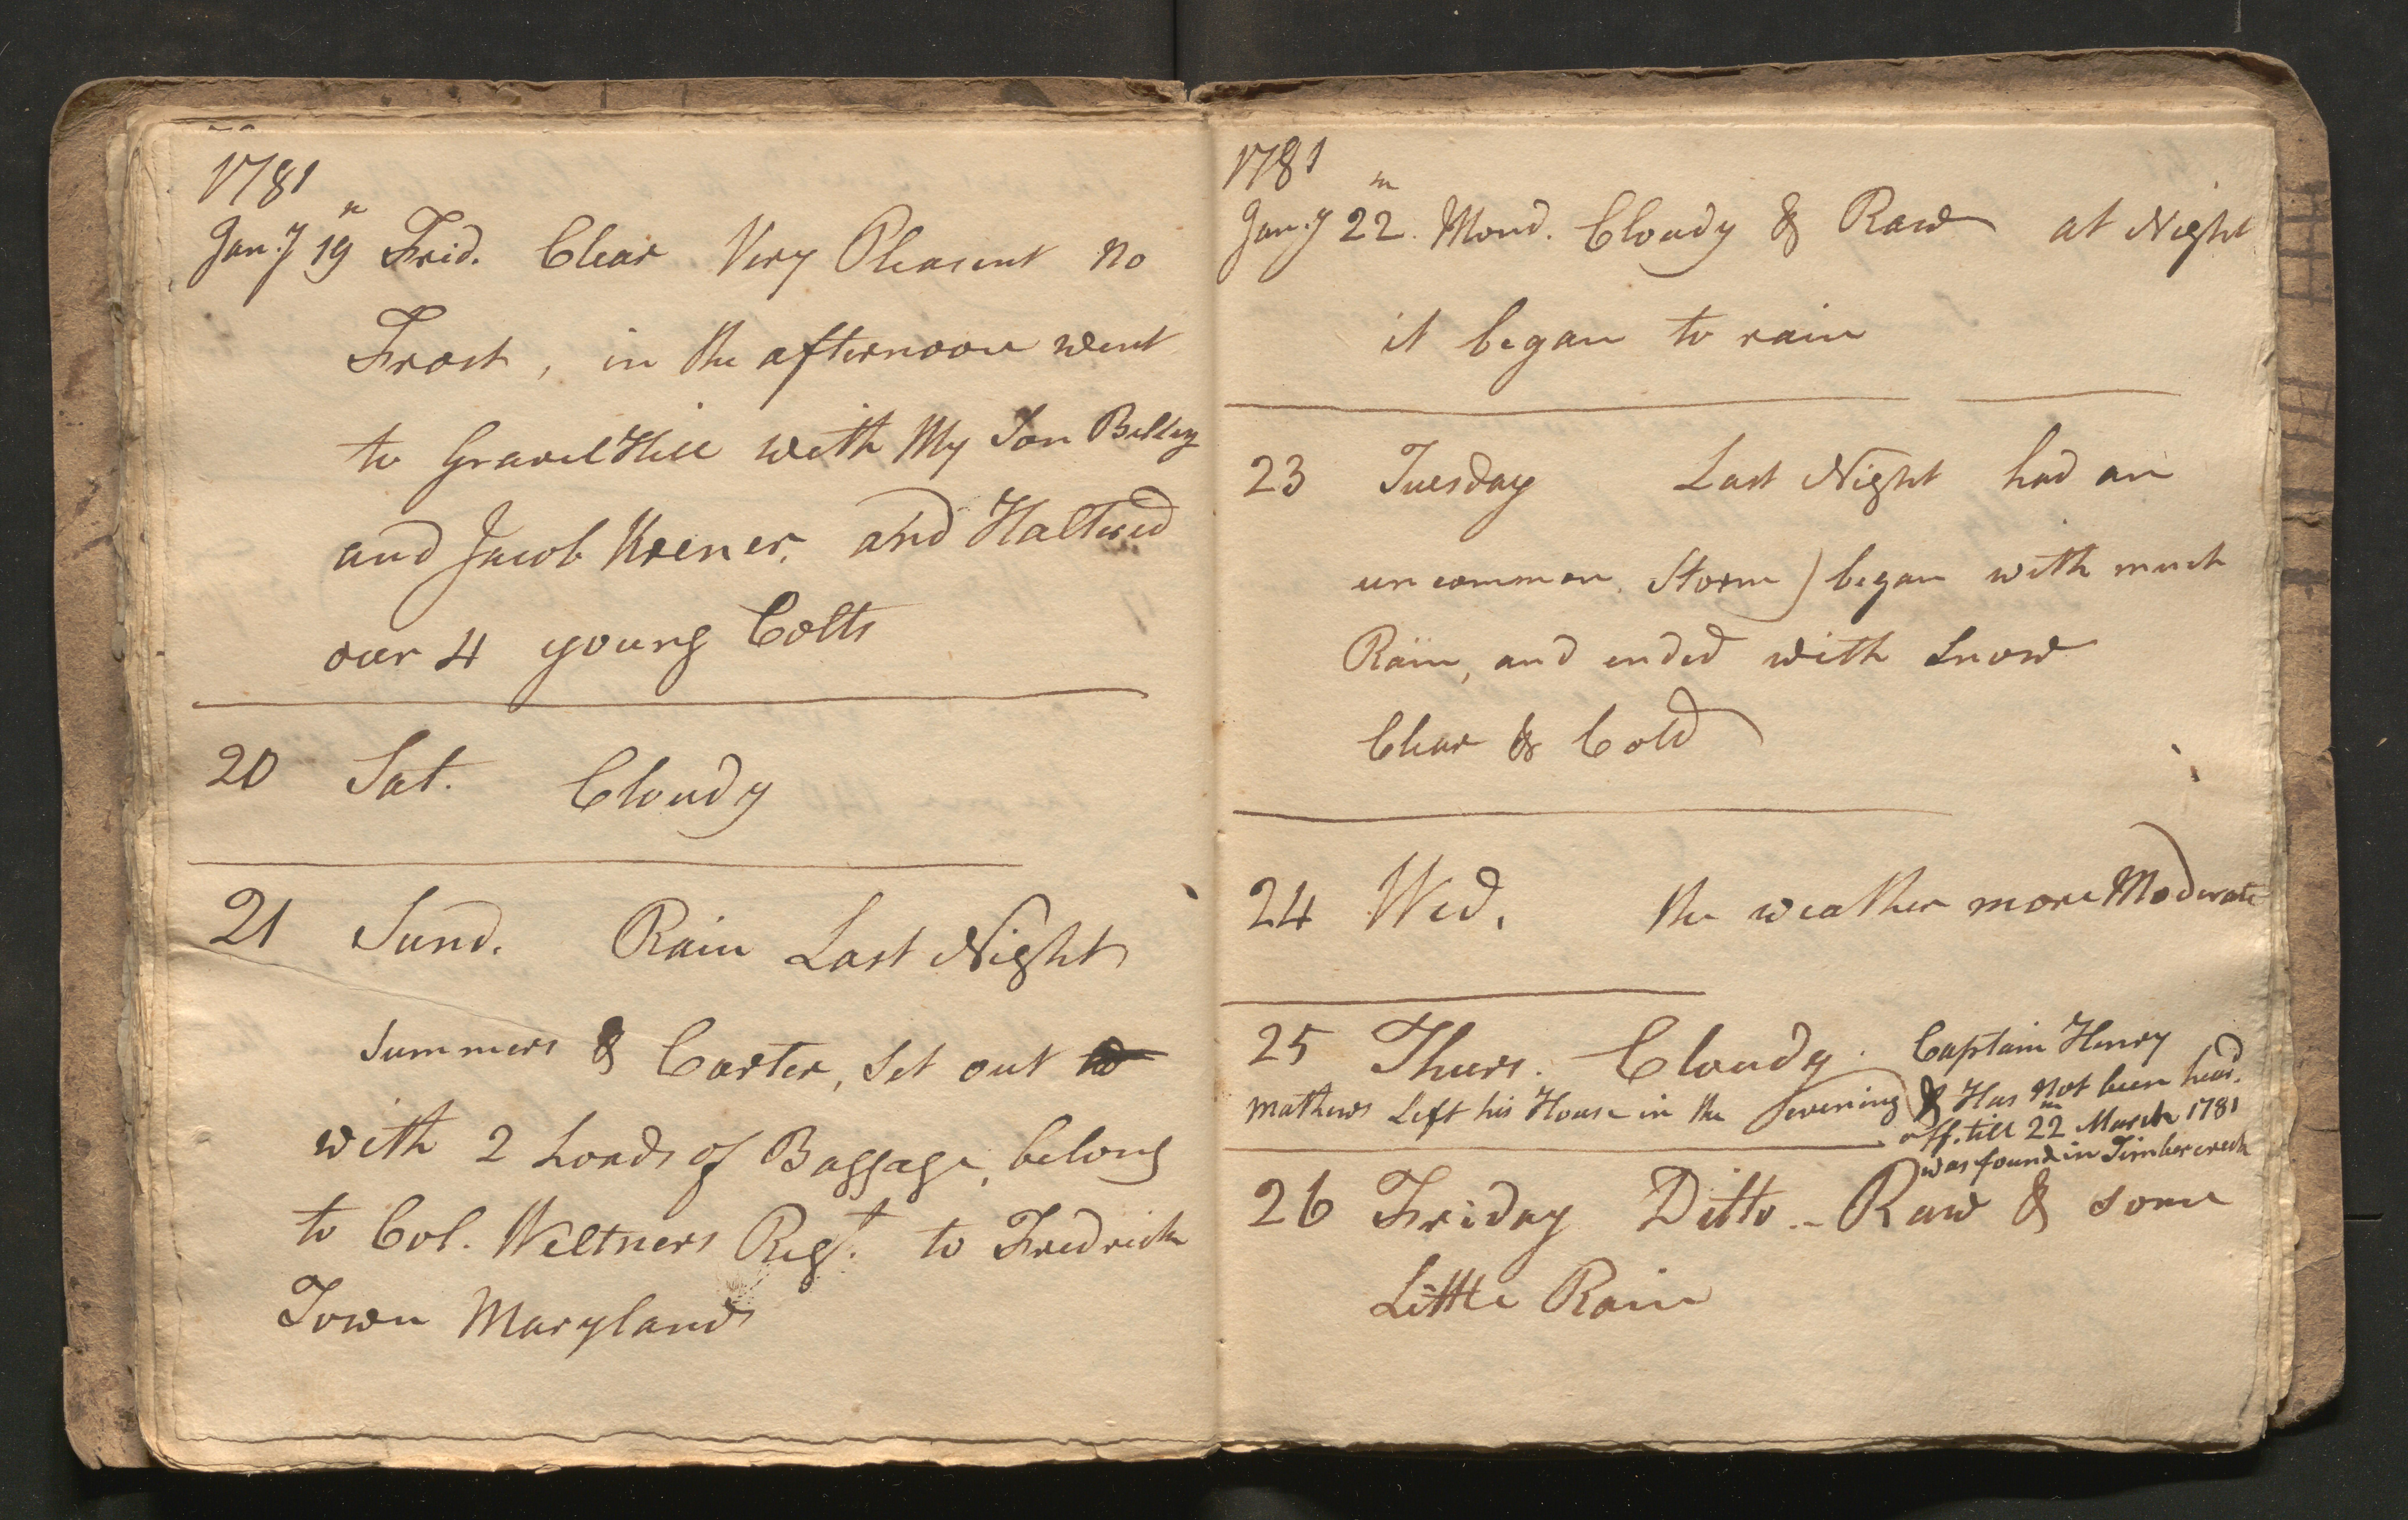1781
Jan^y 19^th Frid. Clear Very Pleasent no
Frost, in the afternoon went
to Gravel Hill with My son Billey
and Jacob Krener, and Haltered
our 4 young Colts
20 Sat. Cloudy
21 Sund. Rain Last Night
Summers & Carter set out [to]
with 2 Loads of Baggage belong
to Col. Weltners Reg^t. to Fredrick
Town Marylands
1781
Jan^y 22^th. Mond. Cloudy & Raw at Night
it began to rain
23 Tuesday Last Night had an
uncommon. Storm) began with much
Rain and ended with snow
Clear & Cold
24 Wed. the weather more Moderate
25 Thurs. Cloudy Captain Henry
mathews Left his House in the evening & Has not been hear^d.
off till 22^th March 1781
was found in Timber creek
26 Friday Ditto- Raw & some
Little Rain